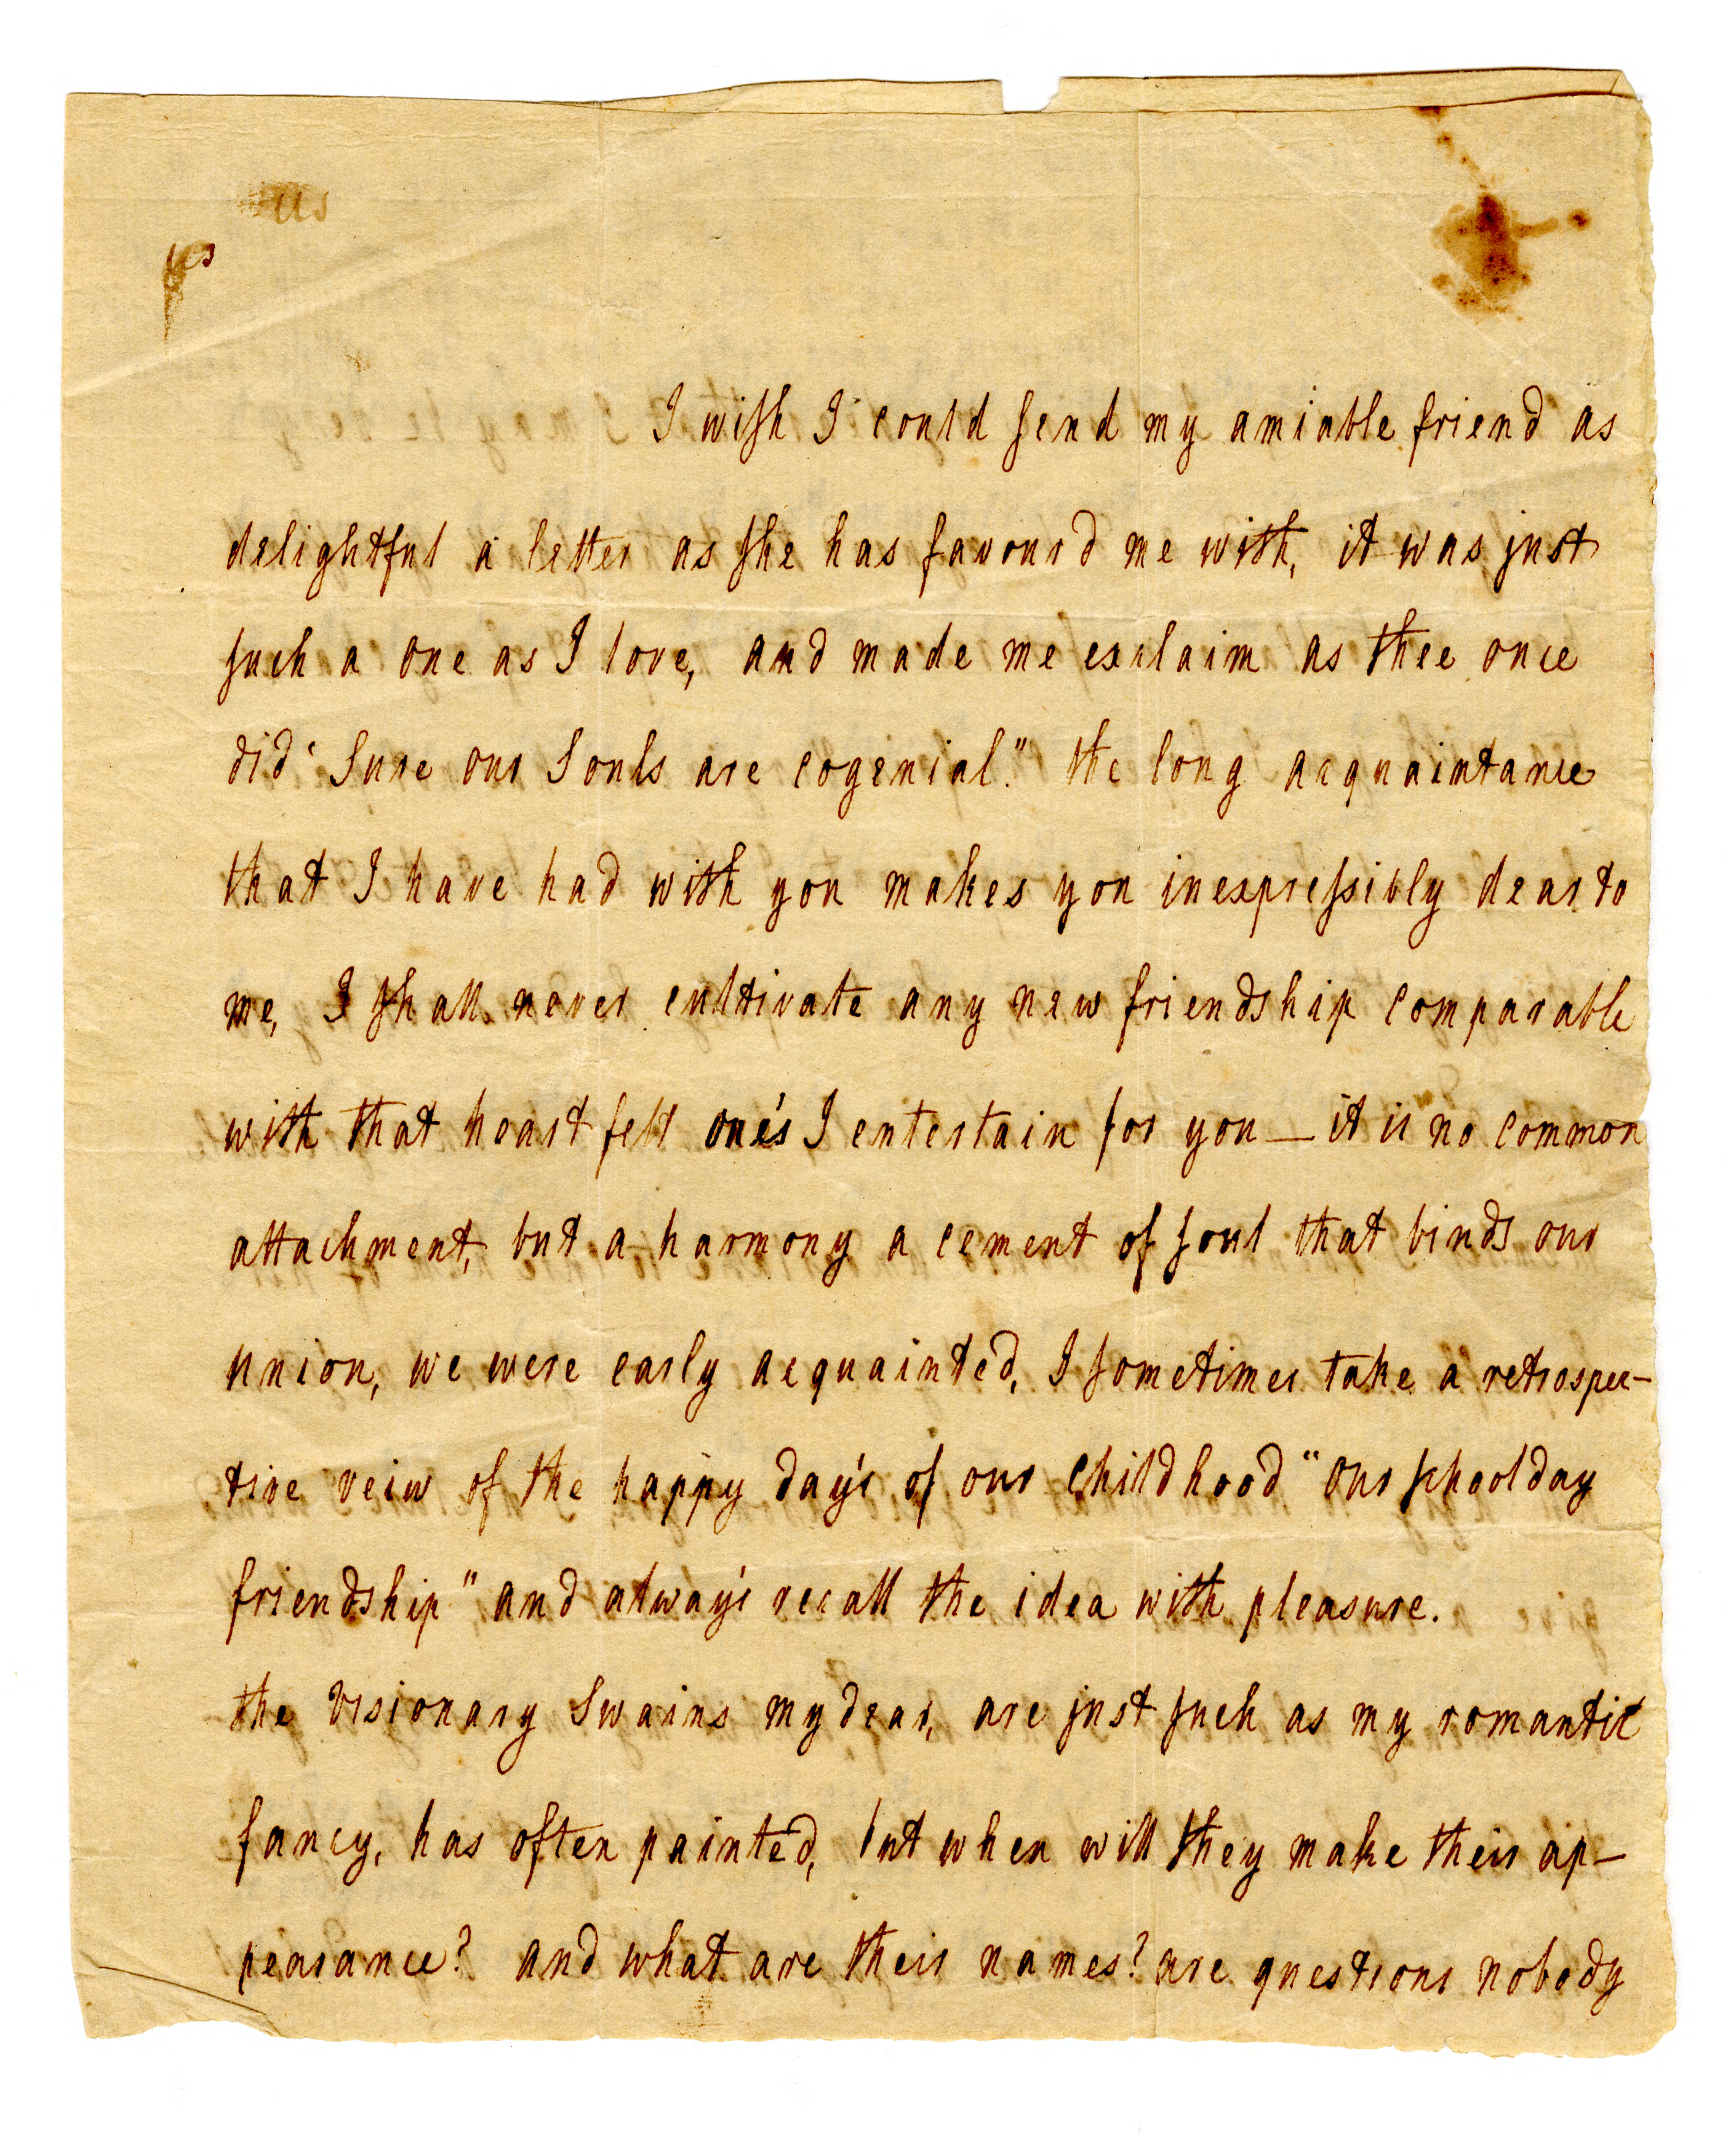I wish I could send my amiable friend as
delightful a letter as she has favourd me with, it was just
such a one as I love, and made me exclaim as thee once
did 'sure our souls are cogenial." the long acquaintance
that I have had with you makes you inexpressibly dear to
me, I shall never initiate any new friendships comparable
with that heart felt one's I entertain for you-it is no common
attachment, but a harmony a cement of soul that binds our
union, we were early acquainted, I sometimes take a retrospec-
tive veiw of the happy day's of our childhood "our schoolday
friendship" and alway's recall the idea with pleasure.
the visionary swains my dear, are just such as my romantic
fancy, has often painted, but when will they make their ap-
pearance? and what are their names? are questions nobody